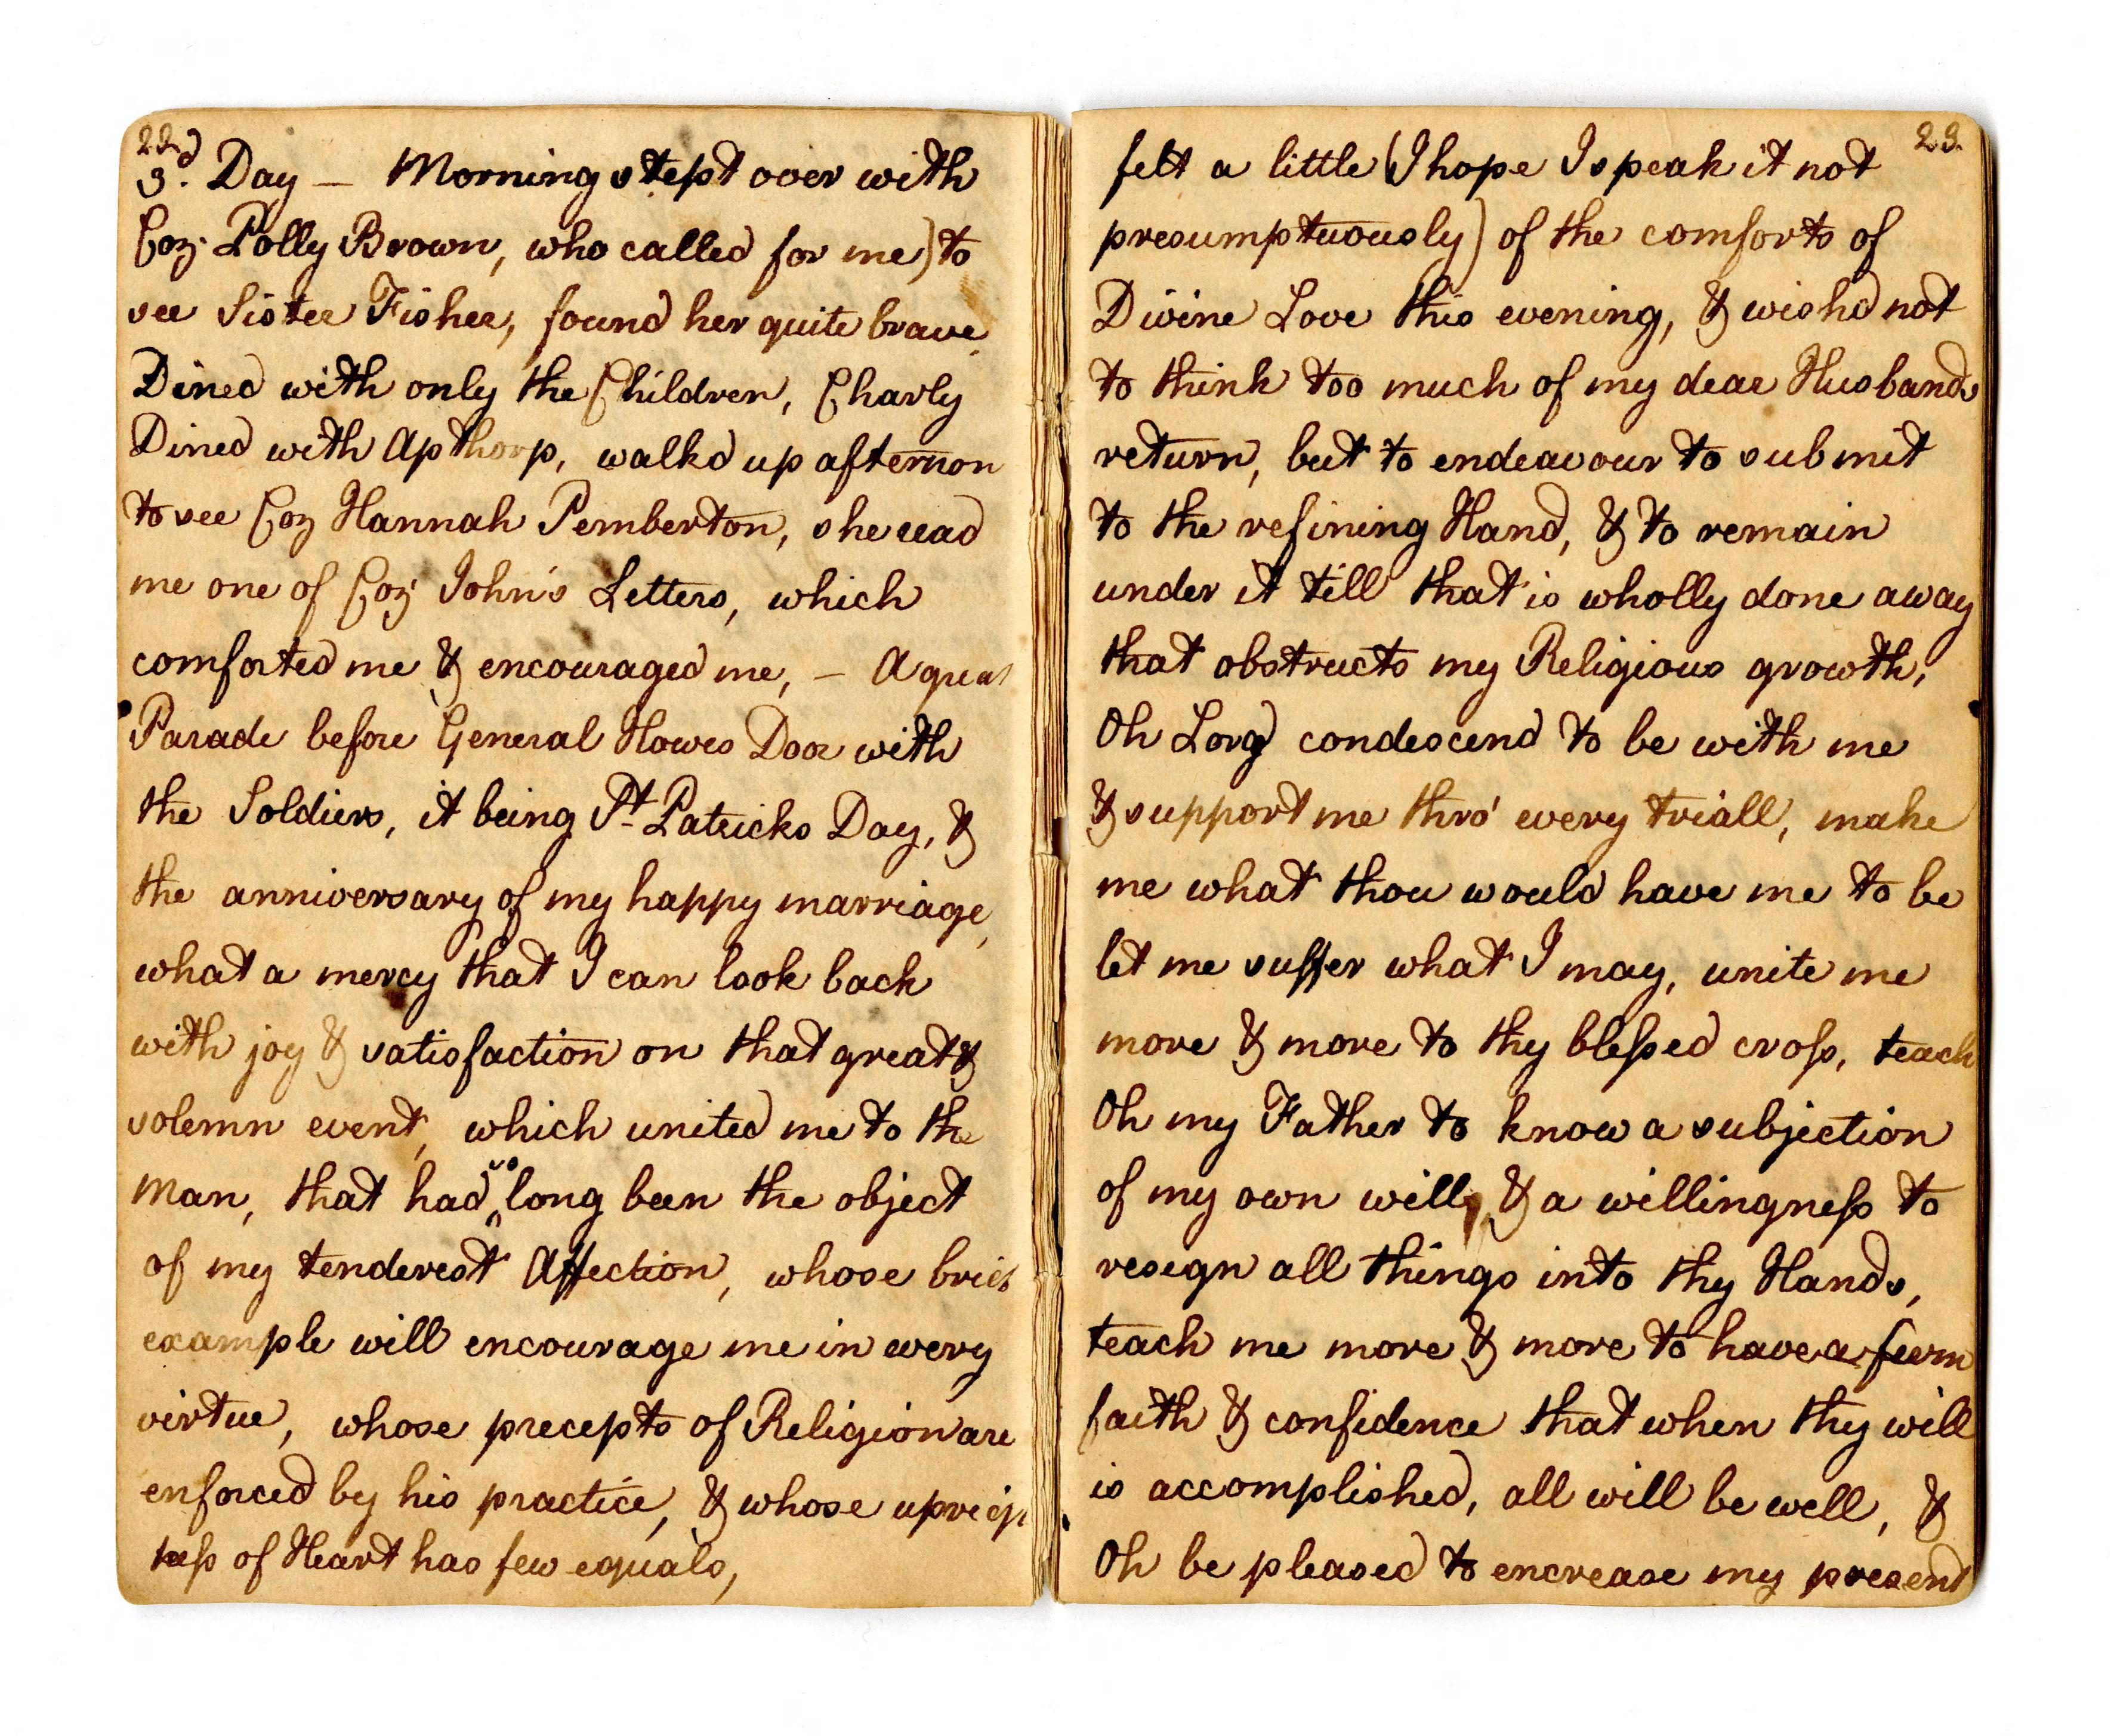22
3^d Day- Morning stept over with
Coz. Polly Brown, who called for me) to
see Sister Fisher, found her quite brave
Dined with only the Children, Charly
Dined with Apthorp, walkd up afternon
to see Coz Hannah Pemberton, she read
me one of Coz John's Letters, which
comforted me & encouraged me.- A great
Parade before General Howes Door with
the Soldiers, it being S^t. Patricks Day, &
the anniversary of my happy marriage,
what a mercy that I can look back
with joy & satisfaction on that great &
solemn event, which united me to the
man that had ^so long been the object
of my tenderest Affection, whose brief
example will encourage me in every
virtue, whose precepts of Religion are
enforced by his practice, & whose uprig
tnss of Heart has few equals,
23
felt a little (I hope I speak it not
presumptuously) of the comforts of
Divine Love this evening, & wishd not
to think too much of my dear Husbands
return, but to endeavour to submit
to the refining Hand, & to remain
under it till that is wholly done away
that obstructs my Religious growth,
Oh Lord condescend to be with me
& support me thro' every triall, make
me what thou would have me to be
let me suffer what I may, unite me
more & more to thy blessed cross, teach
Oh my Father to know a subjection
of my own will, & a willingness to
resign all things into thy Hands,
teach me more & more to have a feerm
faith & confidence that when thy will
is accomplished, all will be well, &
Oh be pleased to encrease my present